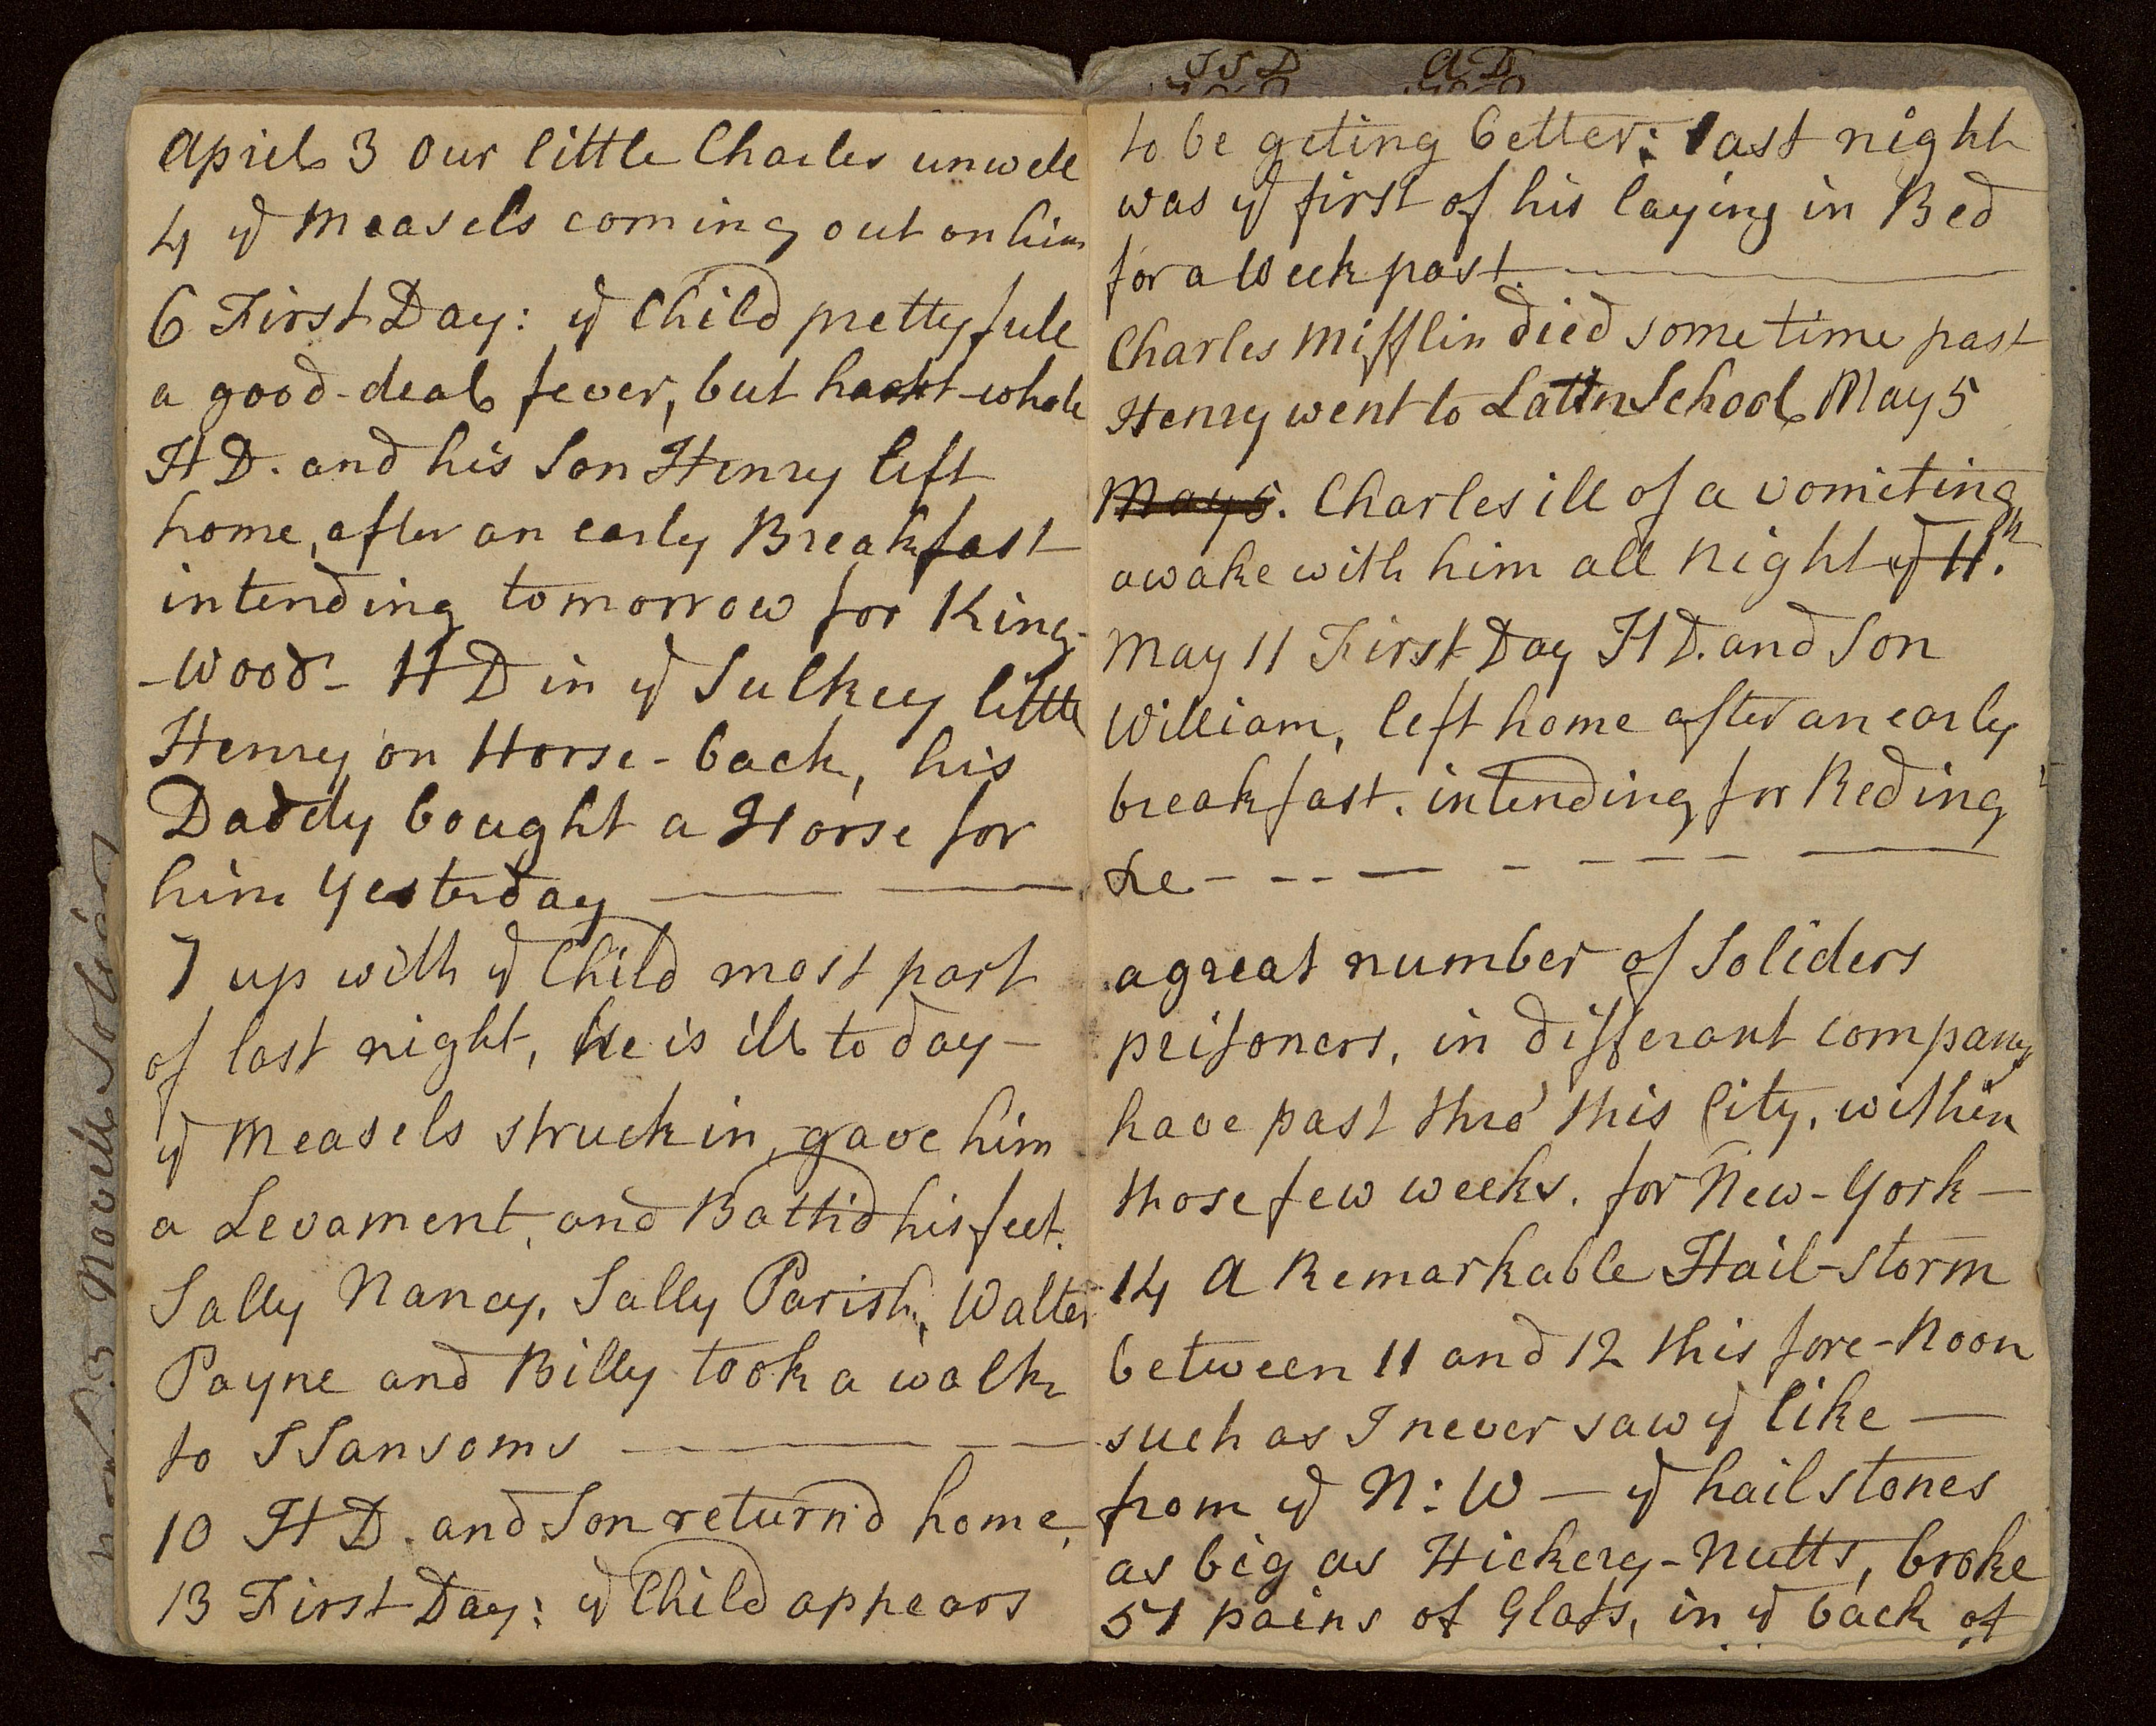April 3 our little Charles unwell
4 y^e measels coming out on him
6 First Day: y^e child pretty full
a good-deal fever, but [hackt] whole
HD. and his Son Henry left
home, after an early Breakfast
intending tomorrow for King
-Wood- HD in y^e Sulkey little
Henry on Horse-back, his
Daddy bought a Horse for
him Yesterday
7 up with y^e child most part
of last night, he is ill to day-
y^e measels struck in gave him
a Levament, and Bath'd his feet.
Sally Nancy, Sally Parish, Walter
Payne and Billy took a walk
to S Sansom's-
10 HD. and Son return'd home
13 First Day: y^e Child appears
to be geting better; last night
was y^e first of his laying in Bed
for a week past-
Charles Mifflin died some time past
Henry went to Latin School May 5
[May 5] Charles ill of a vomiting
awake with him all night y^e H^h.
May 11 First Day HD. and Son
William, left home after an early
breakfast, intending for Reding
&c---
a great number of Soliders
prisoners, in differant company
have past thro' this City, within
those few weeks. for New-York-
14 A Remarkable Hail-storm
between 11 and 12 this fore-Noon
such as I never saw y^e like-
from y^e N:W- y^e hail stones
as big as Hickery-Nutts, broke
57 pains of Glass, in y^e back of